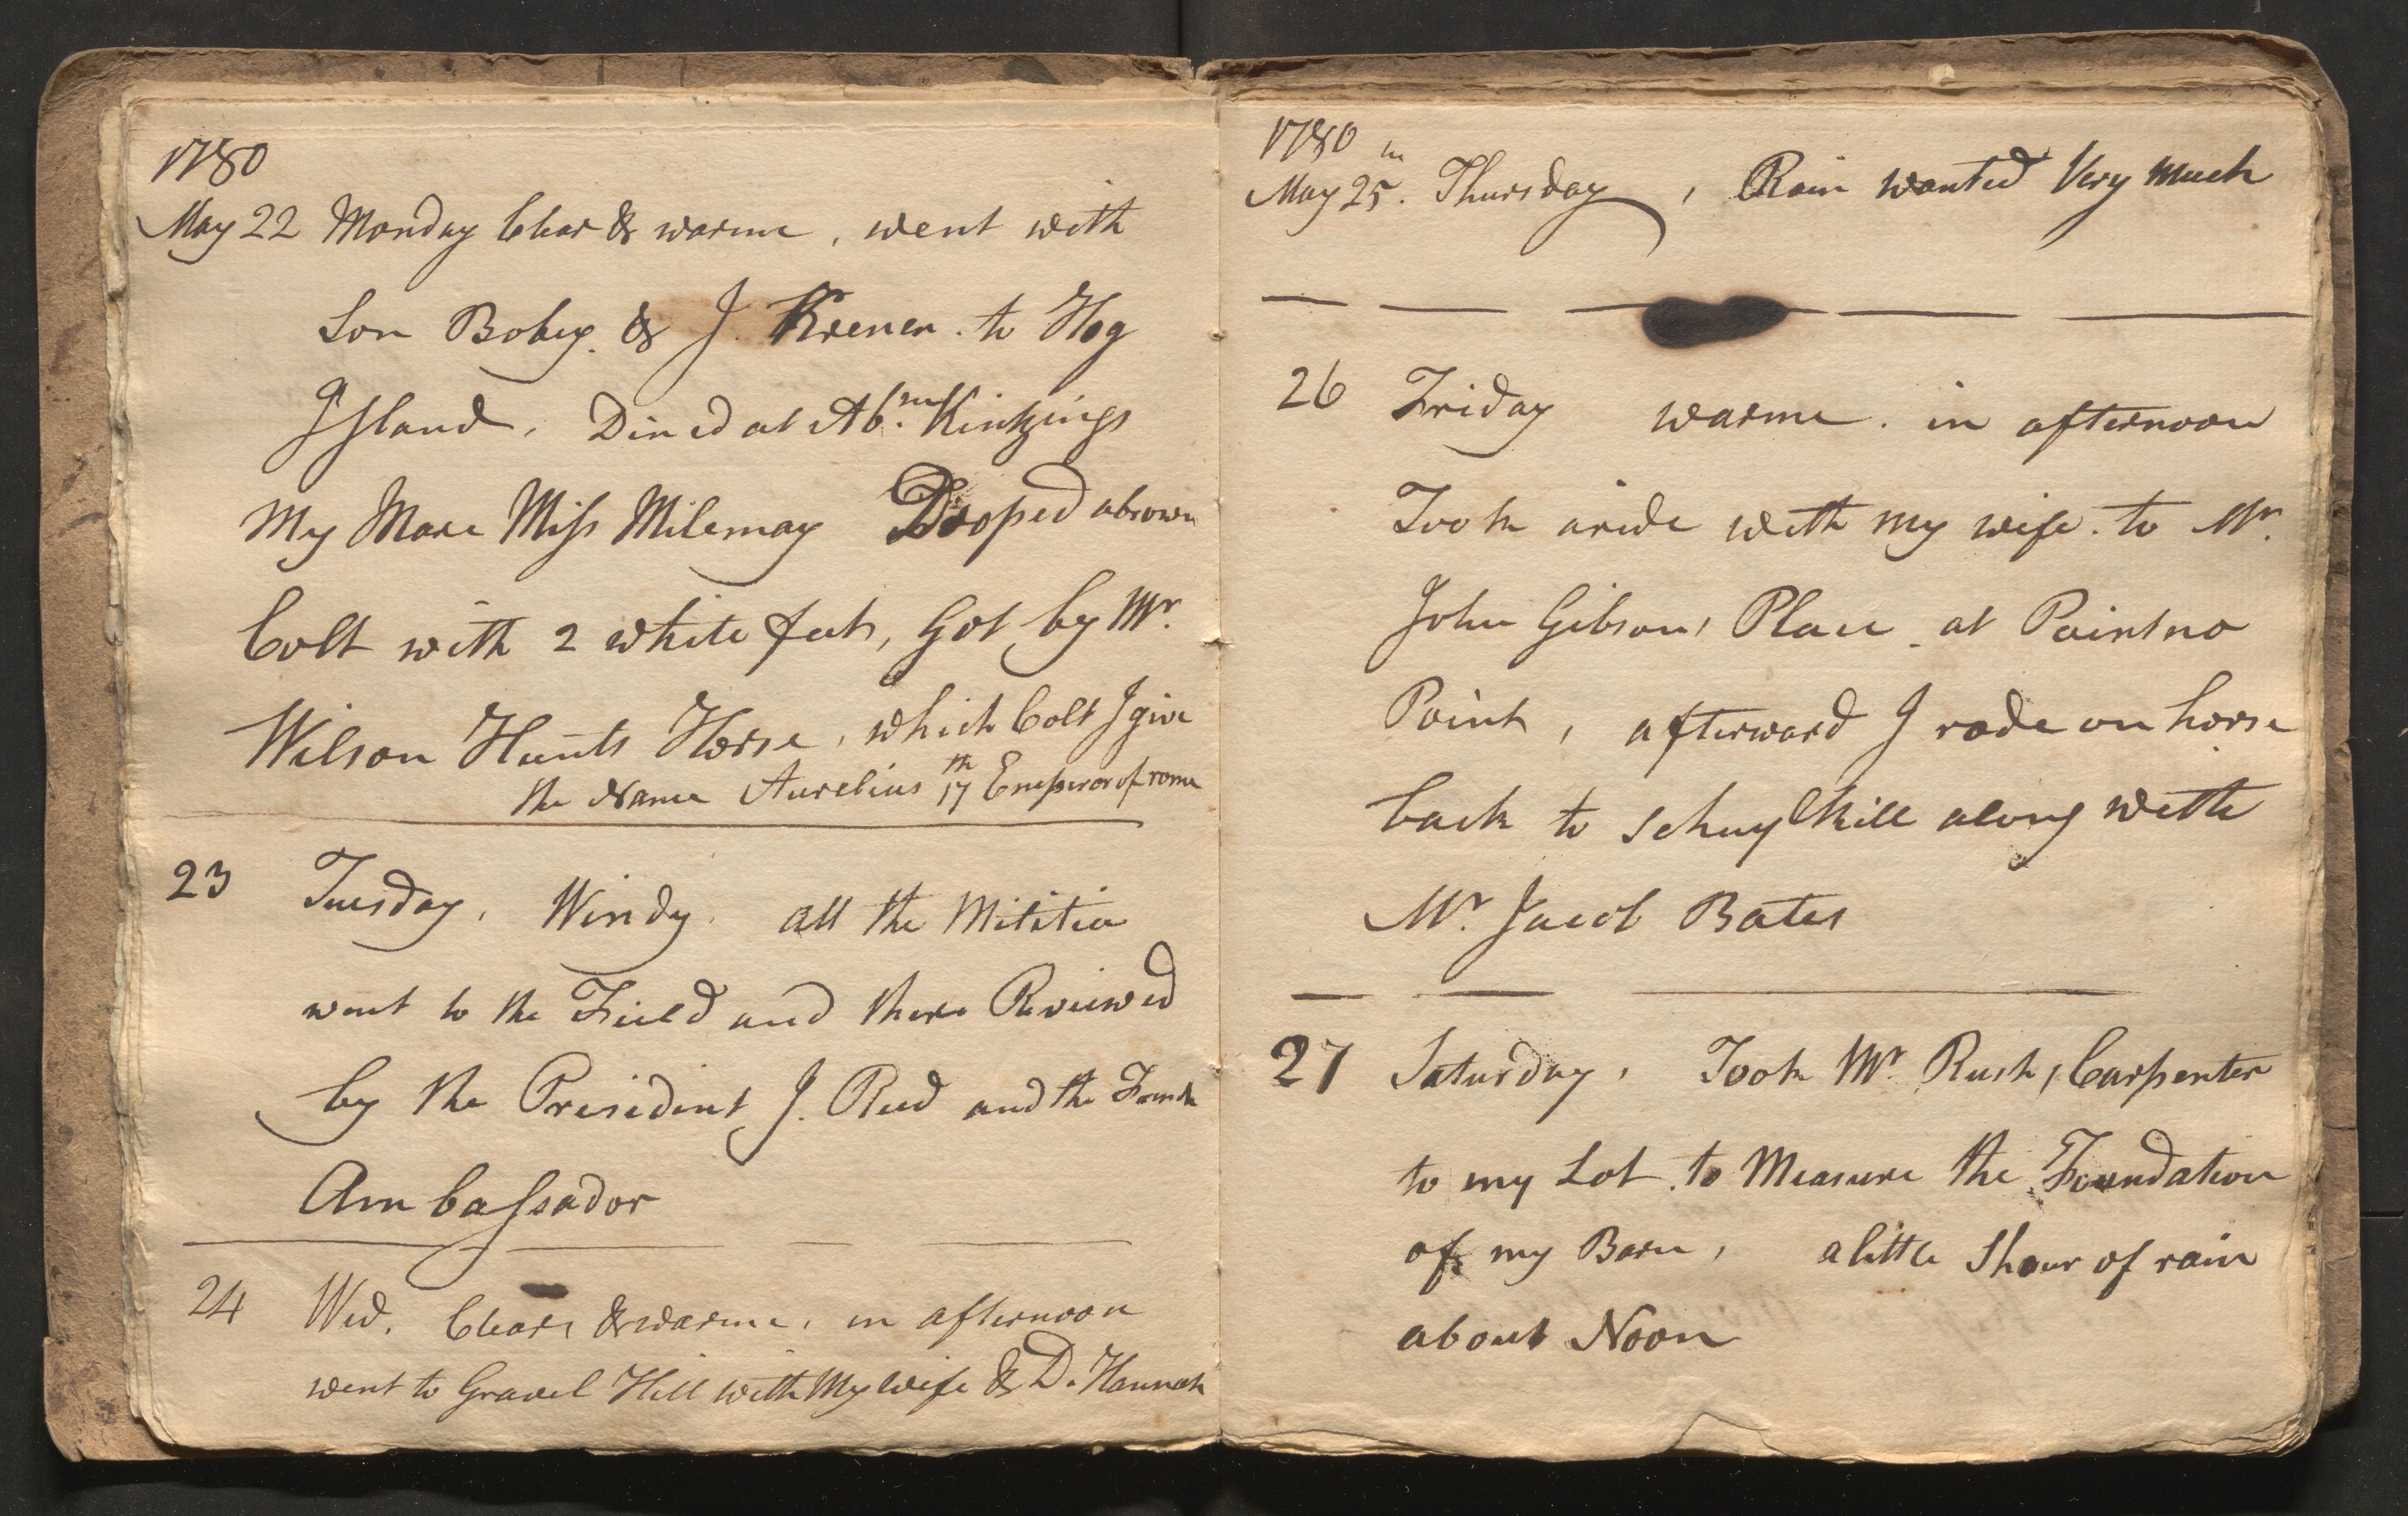1780
May 22h Monday Clear & warme, went with
Son Bobey & J. Keenen. to Hog
Island. Dined at Ab^m. Kintzings
My Mare Miss Milemay Droped a brown
Colt with 2 white feet, Got by M^r.
Wilson Hunts Horse, which Colt I give
the Name Aurelias 17^th Emperor of rome
23
Tuesday. Windy. all the Militia
went to the Field and there Reviewed
by the President J. Reed and the French
Ambassador
24
Wed. Clear &warme, in afternoon
went to Gravel Hill with My wife & D. Hannah
1780
May 25^th. Thursday. Rain wanted Very Much
26 Friday warme. in afternoon
Took a ride with my wife. to M^r.
John Gibsons Plan at Paintno
Point, afterward I rode on horse
back to schuylkill along with
M^r. Jacob Bates
27 Saturday. Took M^r. Rush, Carpenter
to my Lot to Measure the Foundation
of my Barn, a little Shour of rain
about Noon